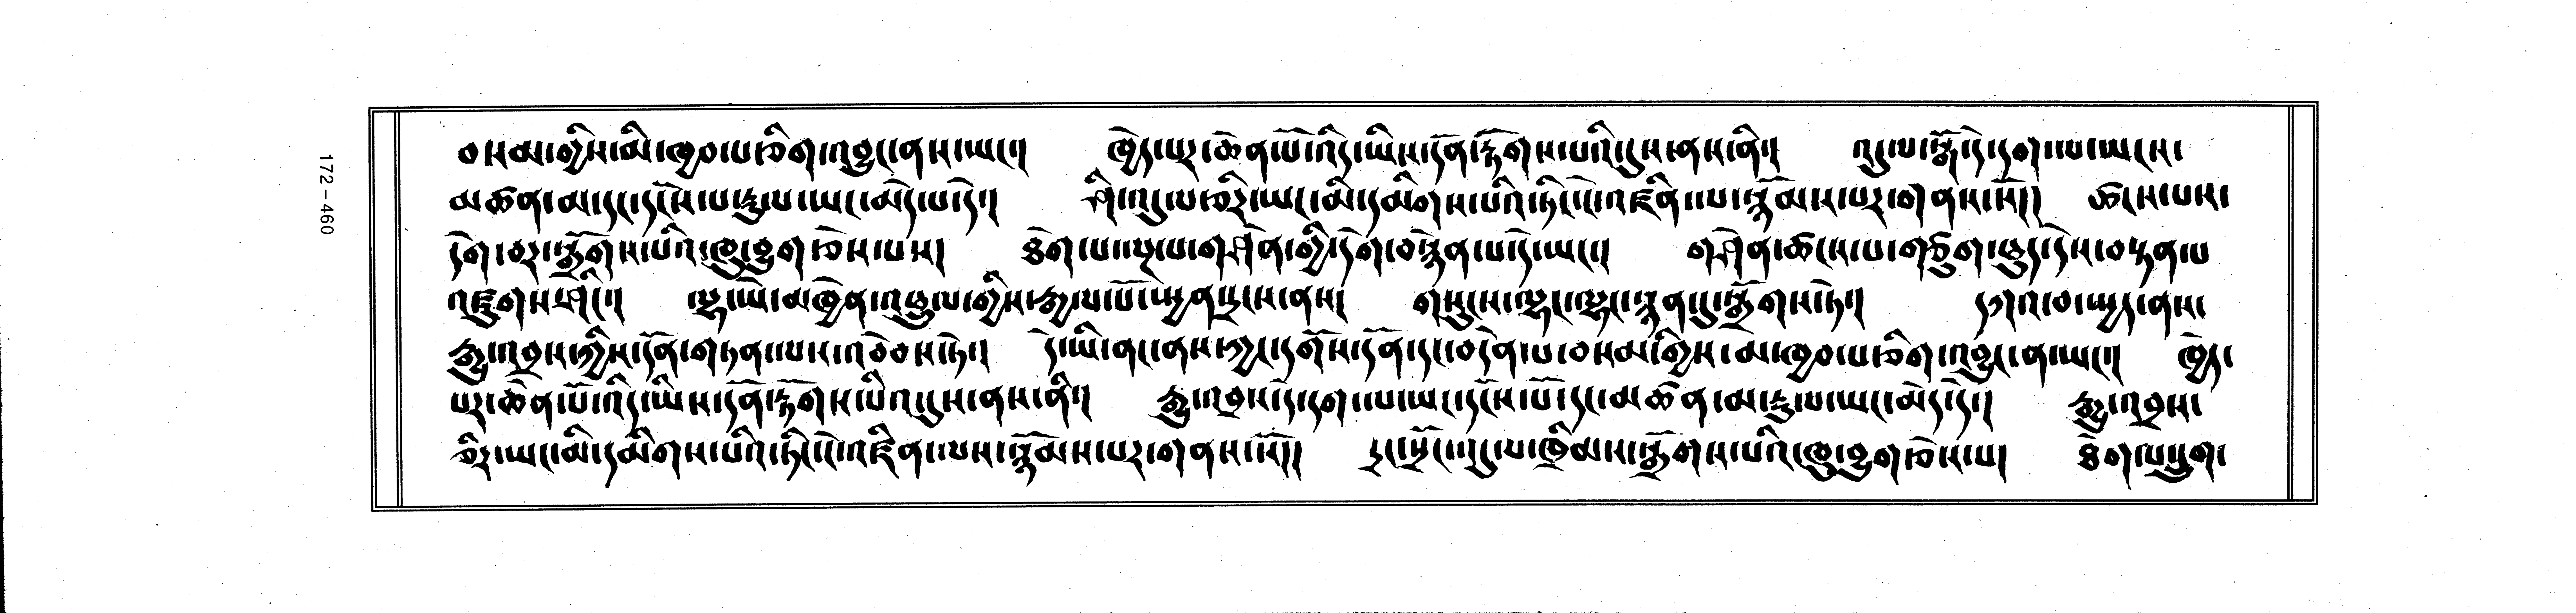བསམ་གྱིས་མི་ཁྱབ་པ་ཅིག་འབྱུང་ནས་ཡང་། ཁྱེད་པར་ཆེན་པོ་འདི་ཡིས་དོན་རྟོགས་པའི་དུས་ནས་ནི། འདུལ་སྒོ་དེ་དག་ལ་ཡང་
མཚན་མ་དང་དངོས་པོ་རྡུལ་ཡང་མེད་པ་དེ། ཤི་འདུལ་ཅིར་ཡང་མི་དམིགས་པའི་ཏེང་ངེ་འཛིན་ལ་སྙོམས་པར་གནས་སོ། ཚངས་པས་
དགེ་བར་སྒྲོགས་པའི་ཁུ་བྱུག་ཅེས་པས། ཐེག་པ་ལྔ་པ་གཤེན་གྱི་དགེ་བསྙེན་པ་དེ་ཡང་། གཤེན་ཚངས་པ་གཙུག་ཕུད་དེས་བསྟན་པ་
འཛུགས་ཤིང་། ལྷ་ཡེ་མཁྱེན་འཕྲུལ་གྱིས་རྒྱལ་པོ་སྤྱན་དྲངས་ནས། གསུངས་ལྷང་ལྷང་སྙན་དུ་སྒྲོགས་ཏེ། དཀའ་བ་སྤྱད་ནས་
རྒྱུ་འབྲས་ཀྱིས་དོན་གཏན་ལས་འབེབས་ཏེ། དེ་ཡི་ནང་ནས་ཀྱང་དགོས་དོན་དང་བདེན་པ་བསམ་གྱིས་མ་ཁྱབ་པ་ཅིག་འབྱུང་ན་ཡང་། ཁྱེད་
པར་ཆེན་པོ་འདི་ཡིས་དོན་རྟོགས་པའི་དུས་ནས་ནི། རྒྱུ་འབྲས་དེ་དག་ལ་ཡང་དངོས་པོ་དང་མཚན་མ་རྡུལ་ཡང་མེད་དེ། རྒྱུ་འབྲས་
ཅིར་ཡང་མི་དམིགས་པའི་ཏིང་ངེ་འཛིན་ལས་སྙོམས་པར་གནས་སོ། དྲང་སྲོང་འདུལ་ཁྲིམས་སྒྲོགས་པའི་ཁུ་བྱུག་ཅེས་པ། ཐེག་པ་དྲུག་